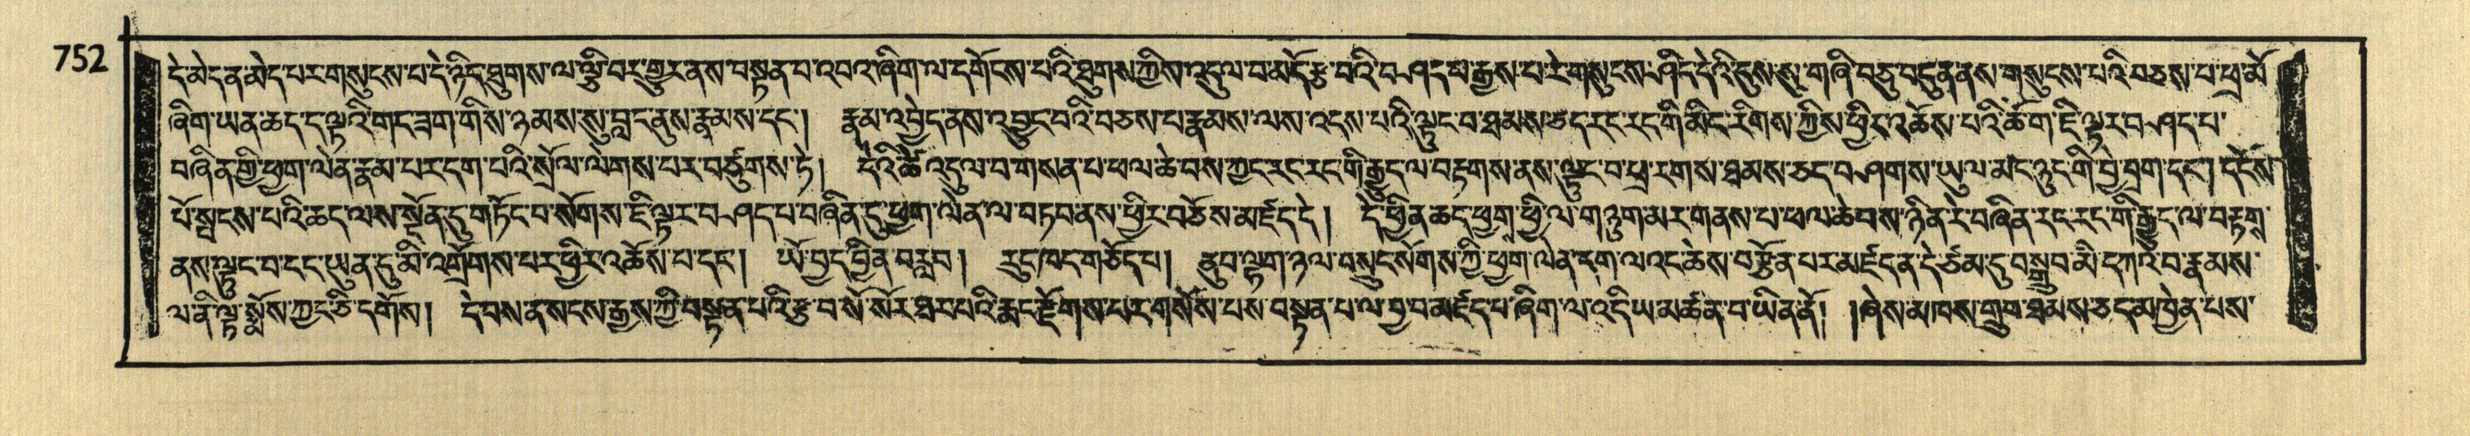དེ་མེད་ན་མེད་པར་གསུངས་པ་དེ་ཉིད་ཐུགས་ལ་ལྕི་བར་གྱུར་ནས་བསྟན་པ་འབའ་ཞིག་ལ་དགོངས་པའི་ཐུགས་ཀྱིས་འདུལ་བ་མདོ་རྩ་བའི་བཤད་པ་རྒྱས་པ་རེ་གསུངས་ཤིང་དེའི་དུས་སུ་གཞི་བཅུ་བདུན་ནས་གསུངས་པའི་བཅས་པ་ཕྲ་མོ་
ཞིག་ཡན་ཆད་ད་ལྟའི་གང་ཟག་གིས་ཉམས་སུ་བླང་ནུས་རྣམས་དང་། རྣམ་འབྱེད་ནས་འབྱུང་བའི་བཅས་པ་རྣམས་ལས་འདས་པའི་ལྟུང་བ་ཐམས་ཅད་རང་རང་གི་མིང་རིགས་ཀྱིས་ཕྱིར་འཆོས་པའི་ཆོ་ག་ཇི་ལྟར་བཤད་པ་
བཞིན་གྱི་ཕྱག་ལེན་རྣམ་པར་དག་པའི་སྲོལ་ལེགས་པར་བཙུགས་ཏེ། དེའི་ཚེ་འདུལ་བ་གསན་པ་ཕལ་ཆེ་བ་སྐྱང་རང་རང་གི་རྒྱུད་ལ་བརྟགས་ནས་ལྟུང་བ་ཕྲ་རགས་ཐམས་ཅད་བཤགས་ཡུལ་མང་ཉུང་གི་བྱེ་བྲག་དང་། དངོས་
པོ་སྤངས་པའི་ཆད་ལས་སྔོན་དུ་གཏོང་བ་སོགས་ཇི་ལྟར་བཤད་པ་བཞིན་དུ་ཕྱག་ལེན་ལ་བཏབ་ནས་ཕྱིར་བཅོས་མཛད་དེ། དེ་ཕྱིན་ཆད་ཕྱག་ཕྱི་ལ་གཉུག་མར་གནས་པ་ལ་ཕལ་ཆེ་པས་ཉིན་རེ་བཞིན་རང་རང་གི་རྒྱུད་ལ་བརྟགས་
ནས་ལྟུང་བ་ངང་ཡུན་དུ་མི་འགྲོགས་པར་ཕྱིར་འཆོས་པ་དང་། ཡོ་བྱད་བྱིན་བརླབ། རུང་ཁང་གཅོད་པ། ནུབ་ལྷག་ཉལ་བསྲུང་སོགས་ཀྱི་ཕྱག་ལེན་དག་ལའང་ཆེས་བརྩོན་པར་མཛད་ན་དེ་ཙམ་དུ་བསྒྲུབ་མི་དཀའ་བ་རྣམས་
ལ་ནི་ལྟ་སྨོས་ཀྱང་ཅི་དགོས། དེ་བས་ན་སངས་རྒྱས་ཀྱི་བསྟན་པའི་རྩ་པ་སོ་སོར་ཐར་པའི་རྨང་རྫོགས་པར་གསོས་པས་བསྟན་པ་ལ་བྱ་བ་མཛད་པ་ཞིག་ལ་འདི་ཡ་མཚན་བ་ཡིན་ནོ། །ཞེས་མཁས་གྲུབ་ཐམས་ཅད་མཁྱེན་པ་